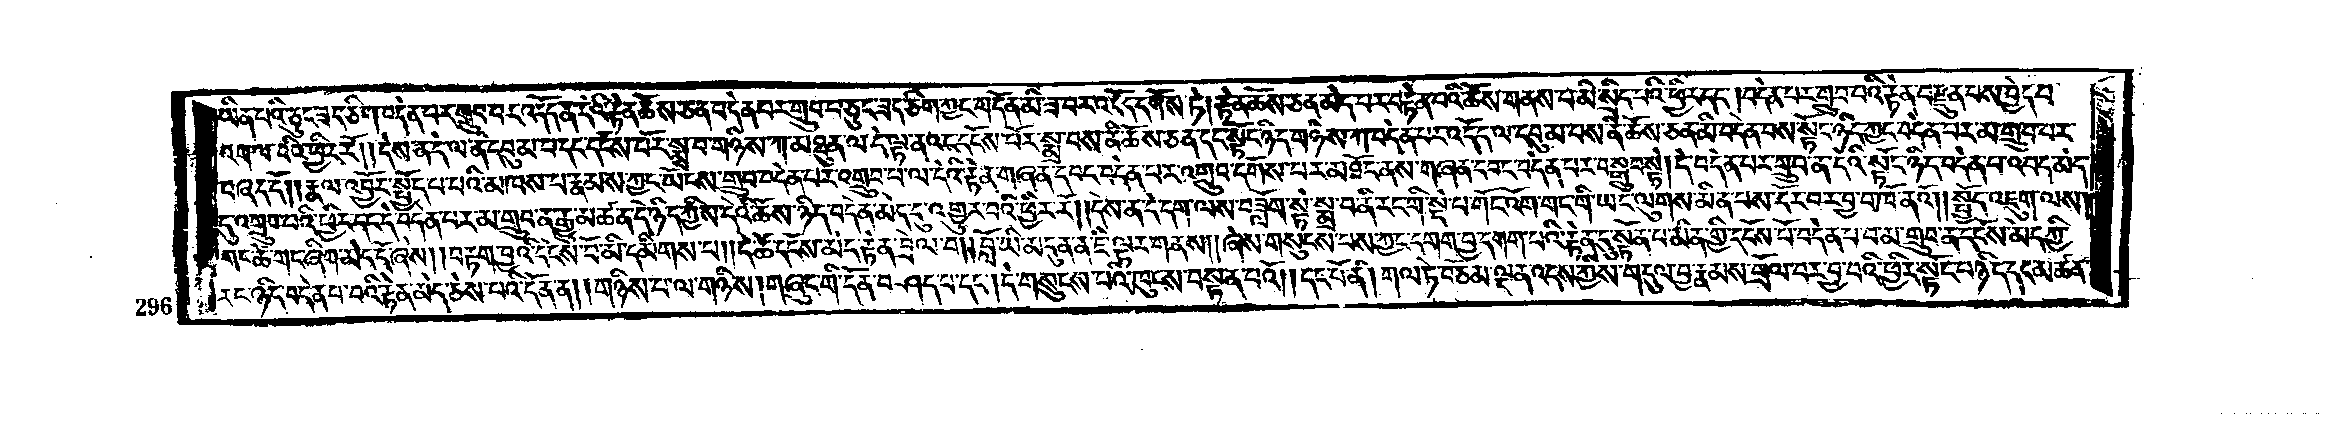ཡིན་པའི་ཅུང་ཟད་ཅིག་བདེན་པར་གྲུབ་པར་འདོད་ན་དེའི་རྟེན་ཆོས་ཅན་བདེན་པར་གྲུབ་པ་ཅུང་ཟད་ཅིག་ཀྱང་གདོན་མི་ཟ་བར་འདོད་དགོས་ཏེ། རྟེན་ཆོས་ཅན་མེད་པར་བརྟེན་པའི་ཆོས་གནས་པ་མི་སྲིད་པའི་ཕྱིར་དང་། བདེན་པར་གྲུབ་པའི་རྟེན་བརྫུན་པས་བྱེད་པ་
འགལ་བའི་ཕྱིར་རོ། །དེས་ན་དེ་ལ་ནི་དབུ་མ་པ་དང་དངོས་པོར་སྨྲ་བ་གཉིས་ཀ་མཐུན་ལ་དེ་ལྟ་ནའང་དངོས་པོར་སྨྲ་བས་ནི་ཆོས་ཅན་དང་སྟོང་ཉིད་གཉིས་ཀ་བདེན་པར་འདོད་ལ་དབུ་མ་པས་ནི་ཆོས་ཅན་མི་བདན་པས་སྟོང་ཉིད་ཀྱང་བདེན་པར་མ་གྲུབ་པར་
བཞད་དོ། །རྣལ་འབྱོར་སྤྱོད་པ་པའི་མཁས་པ་རྣམས་ཀྱང་ཡོངས་གྲུབ་བདེན་པར་འགྲུབ་པ་ལ་དེའི་རྟེན་གཞན་དབང་བདེན་པར་འགྲུབ་དགོས་པར་མཐོང་ནས་གཞན་དབང་བདེན་པར་བསྒྲུབ་སྟེ། དེ་བདེན་པར་གྲུབ་ན་དེའི་སྟོང་ཉིད་བདེན་པ་འབད་མེད་
དུ་འགྲུབ་པའི་ཕྱིར་དང་དེ་བདེན་པར་མ་གྲུབ་ན་རྒྱུ་མཚན་དེ་ཉིད་ཀྱིས་དེའི་ཆོས་ཉིད་བདན་མེད་དུ་འགྱུར་བའི་ཕྱིར་རོ། །དས་ན་དེ་དག་ལས་བཟློག་སྟེ་སྨྲ་བ་ནི་རང་གི་སྡེ་པ་གོང་འོག་གང་གི་ཡང་ལུགས་མིན་པས་དོར་བར་བྱ་བ་ཁོ་ནའོ། །སྤྱད་འཇུག་ལས།
གང་ཚེ་གང་ཞིག་མེད་དོ་ཞེས། །བརྟག་བྱའི་དངོས་པོ་མེ་དམིགས་པ། །དེ་ཚེ་དངོས་མེད་རྟེན་བྲལ་བ། །བློ་ཡི་མདན་ན་ཇི་ལྟར་གནས། །ཞེས་གསུངས་པས་ཀྱང་དགག་བྱ་དགག་པའི་རྟེན་དུ་སྟོན་པ་མིན་གྱི་དངོས་པོ་བདེན་པ་བ་མ་གྲུབ་ན་དངོས་མེད་ཀྱི་
སྟོང་ཉིད་བདེན་པ་བའི་རྟེན་མེད་ཅེས་པའི་དོན་ན། །གཉིས་པ་ལ་གཉིས། གཞུང་གི་དོན་བཤད་པ་དང་། དེ་གསུངས་པའི་ཁུངས་བསྟན་པའོ། །དང་པོ་ནི། གལ་ཏེ་བཅོམ་ལྡན་འདས་ཀྱིས་གདུལ་བྱ་རྣམས་གྲོལ་བར་བྱ་བའི་ཕྱིར་སྟོང་པ་ཉིད་དང་མཚན་